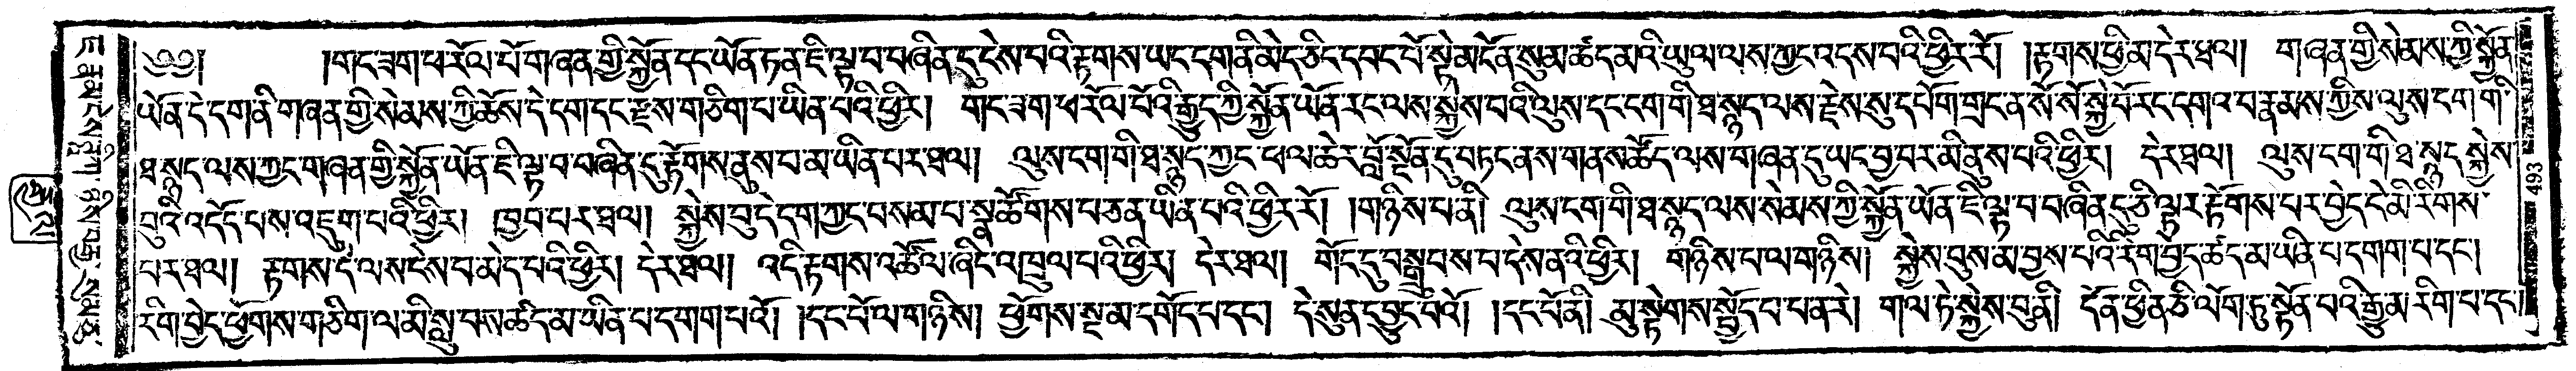༄༅། །གང་ཟག་ཕ་རོལ་པོ་གཞན་གྱི་སྐྱོན་དང་ཡོན་ཏན་ཇི་ལྟ་བ་བཞིན་དུ་ངེས་པའི་རྟགས་ཡང་དག་ནི་མེད་ཅིང་དབང་པོ་སྟེ་མངོན་སུམ་ཚད་མའི་ཡུལ་ལས་ཀྱང་འདས་པའི་ཕྱིར་རོ། །རྟགས་ཕྱི་མ་དེར་ཐལ། གཞན་གྱི་སེམས་ཀྱི་སྐྱོན་
ཡོན་དེ་དག་ནི་གཞན་གྱི་སེམས་ཀྱི་ཆོས་དེ་དག་དང་རྫས་གཅིག་པ་ཡིན་པའི་ཕྱིར། གང་ཟག་ཕ་རོལ་པོའི་རྒྱུད་ཀྱི་སྐྱོན་ཡོན་རང་ལས་སྐྱེས་པའི་ལུས་དང་ངག་གི་ཐ་སྙད་ལས་རྗེས་སུ་དཔོག་གྲང་ན་སོ་སོ་སྐྱེ་བོ་རང་དགའ་བ་རྣམས་ཀྱིས་ལུས་ངག་གི་
ཐ་སྙད་ལས་ཀྱང་གཞན་གྱི་སྐྱོན་ཡོན་ཇི་ལྟ་བ་བཞིན་དུ་རྟོགས་ནུས་པ་མ་ཡིན་པར་ཐལ། ལུས་ངག་གི་ཐ་སྙད་ཀྱང་ཕལ་ཆེར་བློ་སྔོན་དུ་བཏང་ནས་གནས་ཚོད་ལས་གཞན་དུ་ཡང་བྱ་བར་མི་ནུས་པའི་ཕྱིར། དེར་ཐལ། ལུས་ངག་གི་ཐ་སྙད་སྐྱེས་
བུའི་འདོད་པས་འཇུག་པའི་ཕྱིར། ཁྱབ་པར་ཐལ། སྐྱེས་བུ་དེ་དག་ཀྱང་བསམ་པ་སྣ་ཚོགས་པ་ཅན་ཡིན་པའི་ཕྱིར་རོ། །གཉིས་པ་ནི། ལུས་ངག་གི་ཐ་སྙད་ལས་སེམས་ཀྱི་སྐྱོན་ཡོན་ཇི་ལྟ་བ་བཞིན་དུ་ཅི་ལྟར་རྟོགས་པར་བྱེད་དེ་མི་རིགས་
པར་ཐལ། རྟགས་དེ་ལས་ངེས་པ་མེད་པའི་ཕྱིར། དེར་ཐལ། འདི་རྟགས་འཚོལ་ཞིང་འཁྲུལ་པའི་ཕྱིར། དེར་ཐལ། གོང་དུ་བསྒྲུབས་པ་དེས་ནའི་ཕྱིར། གཉིས་པ་ལ་གཉིས། སྐྱེས་བུས་མ་བྱས་པའི་རིག་བྱེད་ཚད་མ་ཡིན་པ་དགག་པ་དང་།
རིག་བྱེད་ཕྱོགས་གཅིག་ལ་མི་སླུ་བས་ཚད་མ་ཡིན་པ་དགག་པའོ། །དང་པོ་ལ་གཉིས། ཕྱོགས་སྔ་མ་དགོད་པ་དང་། དེ་སུན་དབྱུང་བའོ། །དང་པོ་ནི། མུ་སྟེགས་སྤྱོད་པ་པ་ན་རེ། གལ་ཏེ་སྐྱེས་བུ་ནི། དོན་ཕྱིན་ཅི་ལོག་ཏུ་སྟོན་པའི་རྒྱུ་མ་རིག་པ་དང་།